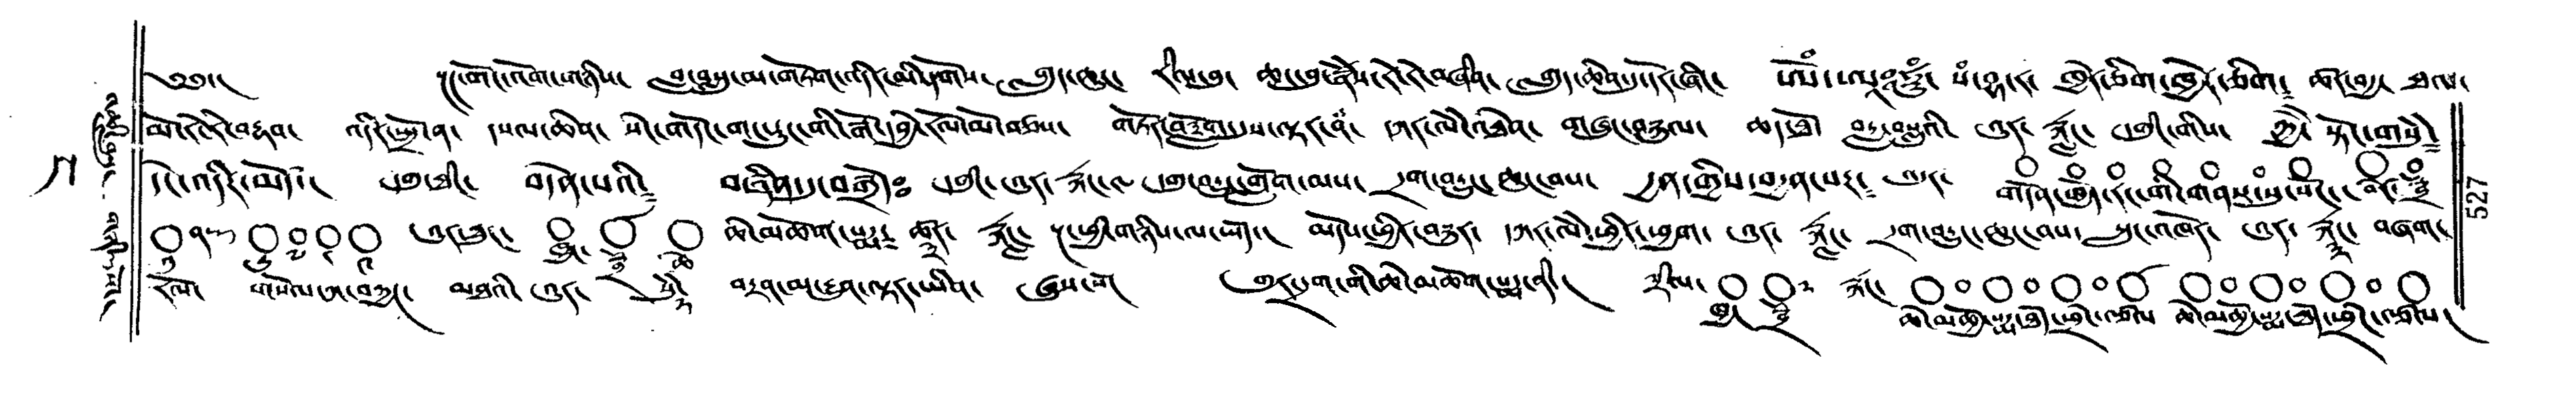༄༅། སྔགས་གོང་འོག་གཉིས་བླ་བསླུ་མ་གཏོགས་འདིར་མི་དགོས། གླུད་ཆུང་། རིལ་བུ། ཆང་བུ་རྣམས་རེ་རེ་བཞིན། གླུད་ཆེན་དུ་དོར་ཞིང་། ཨོཾ་ཨཱཿཧཱུྃཿ སཾ་བྷ་ར༴ ཁྱེར་ཅིག་ཁྱེར་ཅིག༴ ཚར་བརྒྱ། ཐལ་
མོ་རེ་རེ་བརྡབ། འདིར་སྤྲོ་ན་དཔལ་ཆེན་སེང་གདོང་གང་རུང་གི་སྒོ་དབྱེ་རོལ་མོ་བཅས། གཏོར་བཟློག་དུས་ལྟར་དཀར་ལམ་འཐེན། གཞུང་བསྐུལ། ཆད་ཐོ། བླ་བསླུའི། འུར། རྐང་བཞི། དགུ་ཐིང་གིས། ཀྱཻཿ སྟོང་གསུམ༴ 
དེང་འདིར་མཛོདཿ དགུ་ཐིང་། བདེན་པའི༴ བཞིན་དུ་བསྒྲོདཿ དགུ་ཐིང་། འུར། རྐང་བཞི། དགུ་རྡུང་གློག་མས། དྲག་རྡུང་ཆུང་བས། རྒྱན་གྱི་བརྒྱན་པར༴ འདུར། གདོན་ཁྱེད་རང་གི་གནས་སུ་སོངཿ 
ནས། འུར་ཐུང་། ཆེ་མཆོག་པདྨ། ཚར་གསུམ། རྐང་བཞི། སྔ་ཕྱི་གཉིས་ལ་ཡོད། མདོས་ཕྱིར་བསྐུར། དཀར་ལམ་ཕྱིར་ཕྱག འུར། རྐང་བཞི། དྲག་རྡུང་ཆུང་བས། སྲུང་འཁོར། འུར། རྐང་གསུམ། བཞག་
རོལ། གསོལ་ཀ་བཀྱགས། མཐའི་འུར། སུམ་གཉིས། བརྟན་མ་རྒྱུན་ལྟར་ཡིན།ཞུས་སོ། གུར་དྲག་གི་ཆེ་མཆོག་པདྨ། ཟིལ། རྐང་། ཆེ་མཆོག་པདྨ་ཐོད་ཕྲེང་རྩལ། ཆེ་མཆོག་པདྨ་ཐོད་ཕྲེང་རྩལ ཐོད་ཕྲེང་རྩལ།